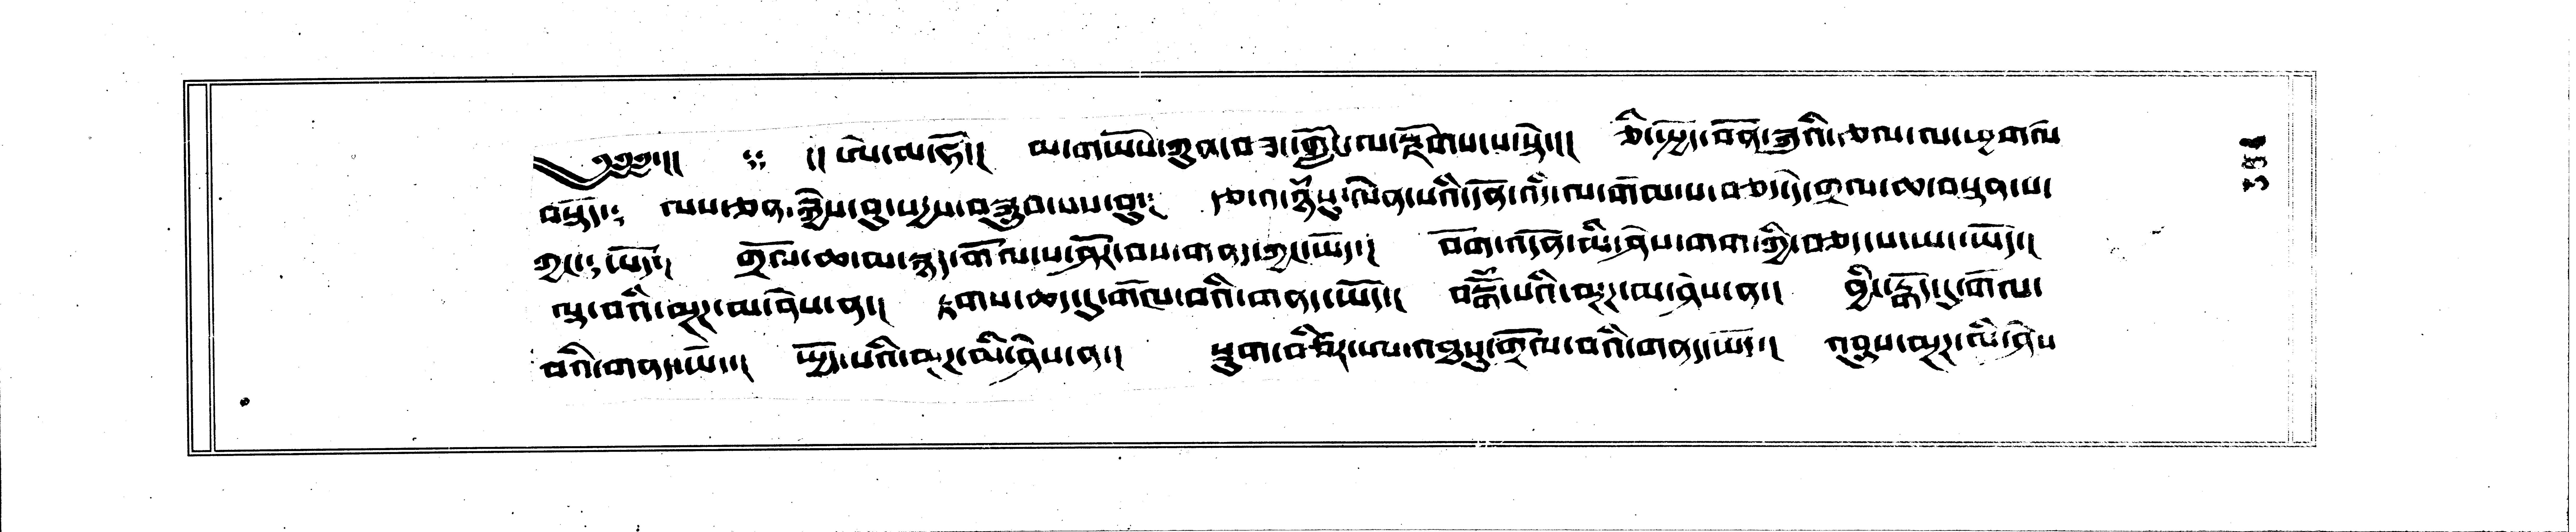༄༅།། ཨེ་མ་ཧོ། མ་གཡོས་ཀུན་བཟང་ཀློང་ལ་རྫོགས་པ་སྟེ། ཅི་སྤྱོད་བོན་སྐུའི་རྩལ་ལ་ཕྱག་འཚལ་
བསྟོད། ལས་ཅན་སྐྱེས་བུ་སངས་རྒྱས་བསྒྲུབ་པའི་བུས། རྩེ་ཅིག་ཉམས་སུ་ལེན་པའི་དོན་འདི་ལ། གོལ་ས་བཅད་དེ་གྲོལ་ཆ་བསྟན་པའི་
ཀྱང་ཡོད། གྲོལ་ཆ་མི་རྙེད་གོལ་སར་ཤོར་བའི་ཉན་ཡོད། བོག་འདོན་མི་ཤེས་གགས་ཀྱིས་བཅད་པ་ཡང་ཡོད། 
ལྟ་བའི་མེན་ངག་མི་ཤེས་ནས་རྟག་ཆད་དུ་གོལ་བའི་ཉན་ཡོད། སྒོམ་པའི་མེན་ངག་མི་ཤེས་ནས་བྱིང་རྒོད་དུ་འགྲོ་
བའི་ཉན་ཡོད། སྤྱོད་པའི་མེན་ངག་མི་ཤེས་ནས་སྡུག་ཙིར་ཨ་འཐས་སུ་གོལ་བའི་ཉན་ཡོན། འབྲས་བུའི་མེན་ངག་མི་ཤེས་